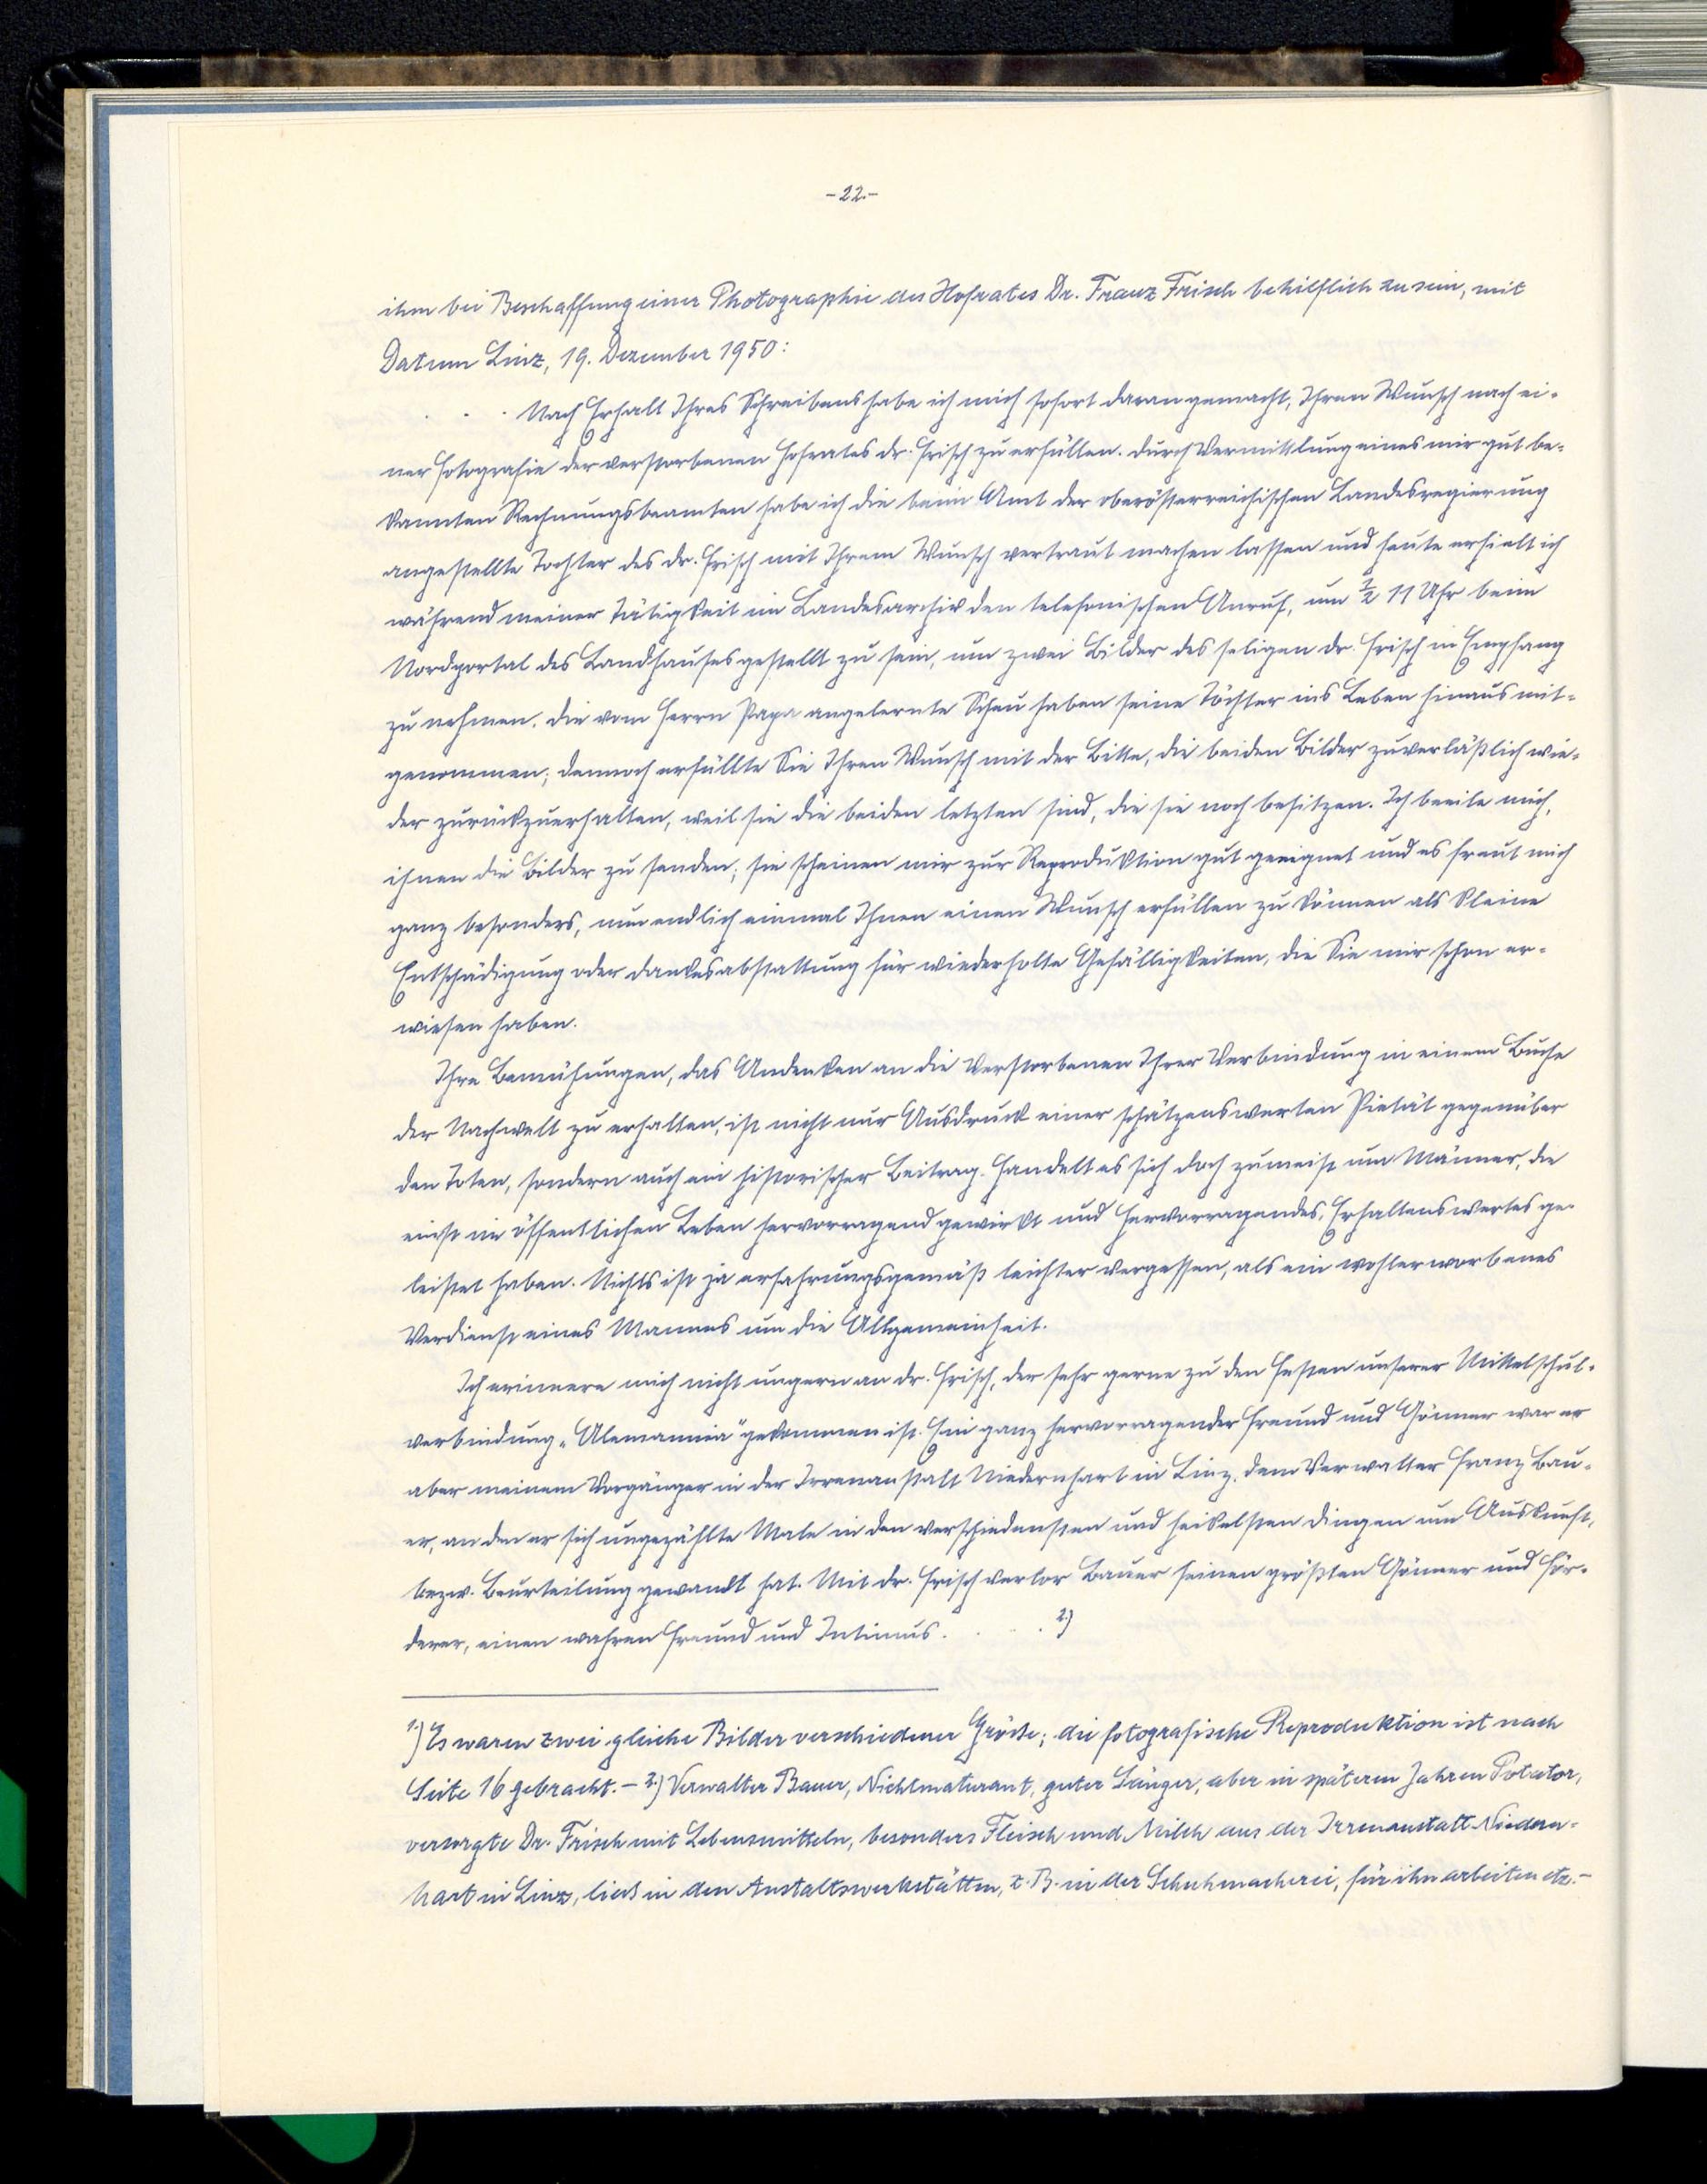22
ihm bei der Beschaffung einer Photographie des Hofrat Dr. Franz Frisch behilflich zu sein, mit
Datum Linz, 19. Dezember 1950:
… Nach Erhalt ihres Schreibens habe ich mich sofort daran gemacht, Ihre Wunsch nach ein-
er Fotografie der verstorbenen Hofrat Dr. Frisch zu erfüllen. Durch Vermittlung eines mir gut be-
kannten Rechnungsbeamten habe ich die beim Amt der oberösterreichischen Landesregierung
angestellte Tochter des Dr. Frisch mit Ihren Wunsch vertraut machen lassen. Heute erhielt ich
während meiner Tätigkeit im Landesarchiv den telefonischen Anruf, um 1/2 11 Uhr beim
Nordportal des Landhauses gestellt zu sein, um zwei Bilder des seligen Dr. Frisch in Empfang
zu nehmen. Die vom Herrn Papa angelernte Schau haben seine Töchter ins Leben hinaus mit-
genommen, dennoch erfüllte sie Ihren Wunsch mit der Bitte, die beiden Bilder zuverläßlich wie-
der zurückzuerhalten, weil sie die beiden letzten sind, die sie noch besitzen. Ich beeile mich,
Ihnen die Bilder zu senden. Sie scheinen mehr zur Reproduktion gut geeignet und es freut mich
ganz besonders, nun endlich einmal ihnen einen Wunsch erfüllen zu können als kleine
Entschädigung oder Dankesabstattung für wiederholte Gefälligkeiten, die Sie mir schon er-
wiesen haben.
Ihre Bemühungen, das Andenken an die Verstorbenen Ihrer Verbindung in einem Buche der
der Nachwelt zu erhalten, ist nicht nur Ausdruck einer schätzenswerten Pietät gegenüber
den Toten, sondern auch ein historischer Beitrag. Handelt es sich doch zumeist um Männer, die
nicht im öffentlichen Leben hervorragend gewirkt und Hervorragendes, Erhaltenswertes ge-
leistet haben. Nichts ist ja erfahrungsgemäß leichter vergessen, als ein wohlerworbenes
Verdienst eines Mannes um die Allgemeinheit.
Ich erinnere mich nicht ungern an Dr. Frisch, der sehr gerne zu den Festen unserer Mittelschul-
verbindung „Allemannia“ gekommen ist. Ein ganz hervorragender Freund und Gönner war er
aber meinem Vorgänger in der Irrenanstalt Niedernhart bei Linz, dem Verwalter Franz Bau-
er, an den er sich ungezählte Male in den verschiedensten heikelsten Dingen um Auskunft,
bzw. Beurteilung gewandt hat. Mit Dr. Frisch verlor Bauer seinen größten Gönner und För-
derer, einen wahren Freund und Intimus. …2)
1) Es waren zwei gleiche Bilder verschiedener Größe; Die fotographische Reproduktion ist nach
Seite 16 gebracht. 2) Verwalter Bauer, Nichtmaturant, guter Sänger, aber in späteren Jahren Potator,
versorgte Dr. Frisch mit Lebensmitteln, besonders Fleisch und Milch aus der Irrenanstalt Niedern-
hart in Linz, lies in den Anstaltsverstätten, z. B. in der Schuhmacherei, für ihn arbeiten etc.